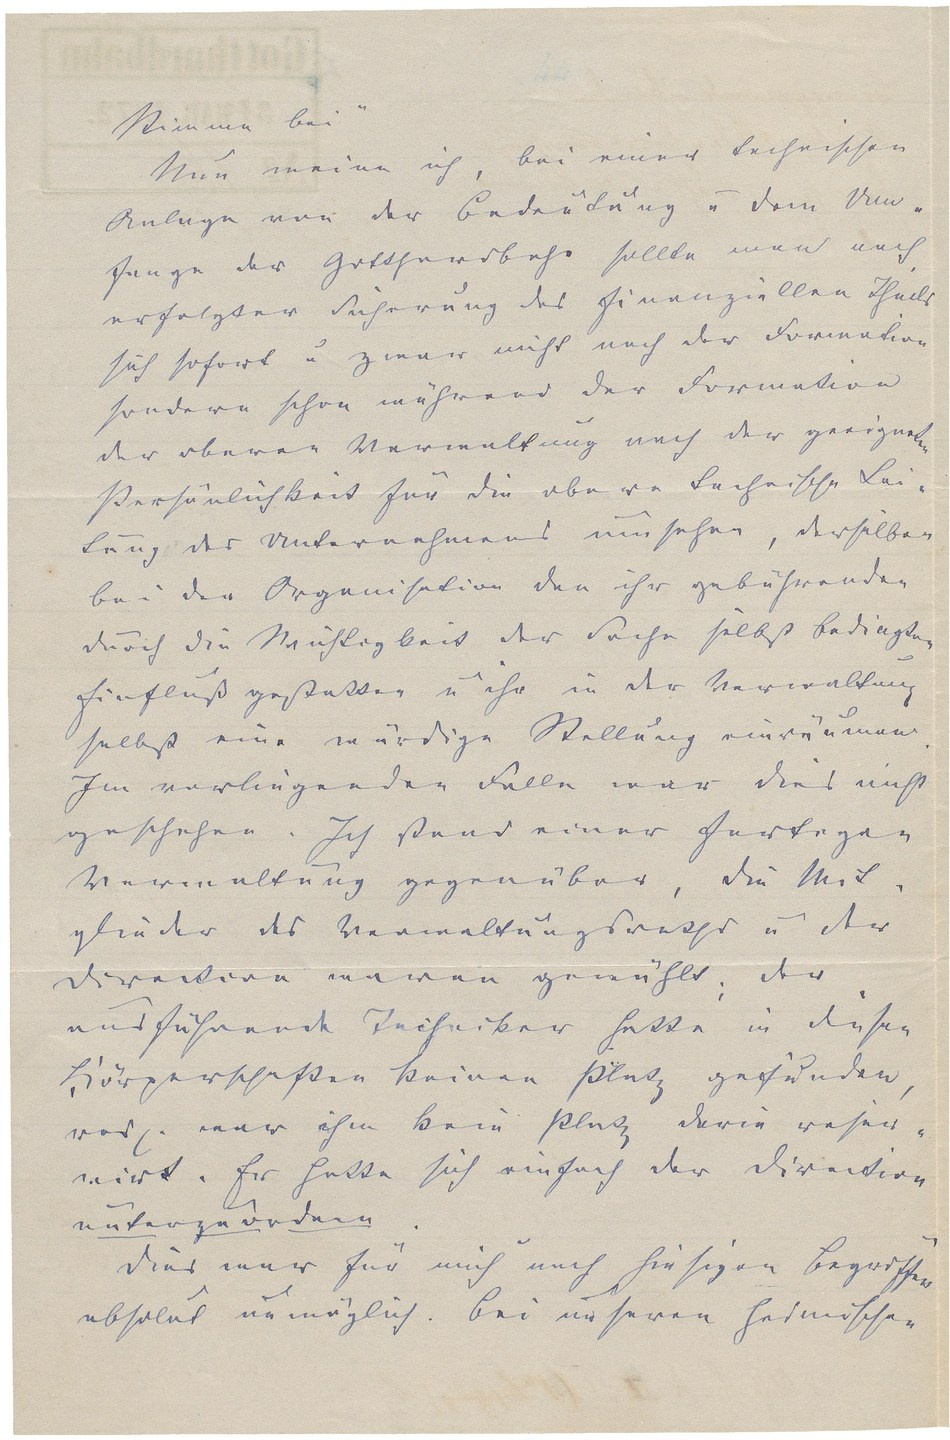Stimme bei.»
Nun meine ich, bei einer technischen
Anlage von der Bedeutung u dem Um-
fange der Gotthardbahn sollte man nach
erfolgter Sicherung des finanziellen Theils
sich sofort u zwar nicht nach der Formation
sondern schon während der Formation
der oberen Verwaltung nach der geeigneten
Persönlichkeit für die obere technische Lei-
tung des Unternehmens umsehen, derselben
bei der Organisation den ihr gebührenden
durch die Wichtigkeit der Sache selbst bedingten
Einfluß gestatten u ihr in der Verwaltung
selbst eine würdige Stellung einräumen.
Im vorliegenden Falle war dies dies nicht
geschehen. Ich stand einer fertigen
Verwaltung gegenüber, die Mit-
glieder des Verwaltungsraths u der
Direction waren gewählt; der
ausführende Techniker hatte in diesen
Körperschaften keinen Platz gefunden,
resp. war ihm kein Platz darin reser-
virt. Er hatte sich einfach der Direktion
unterzuordnen.
Dies war für mich nach hiesigen Begriffen
absolut unmöglich. Bei unseren heimischen